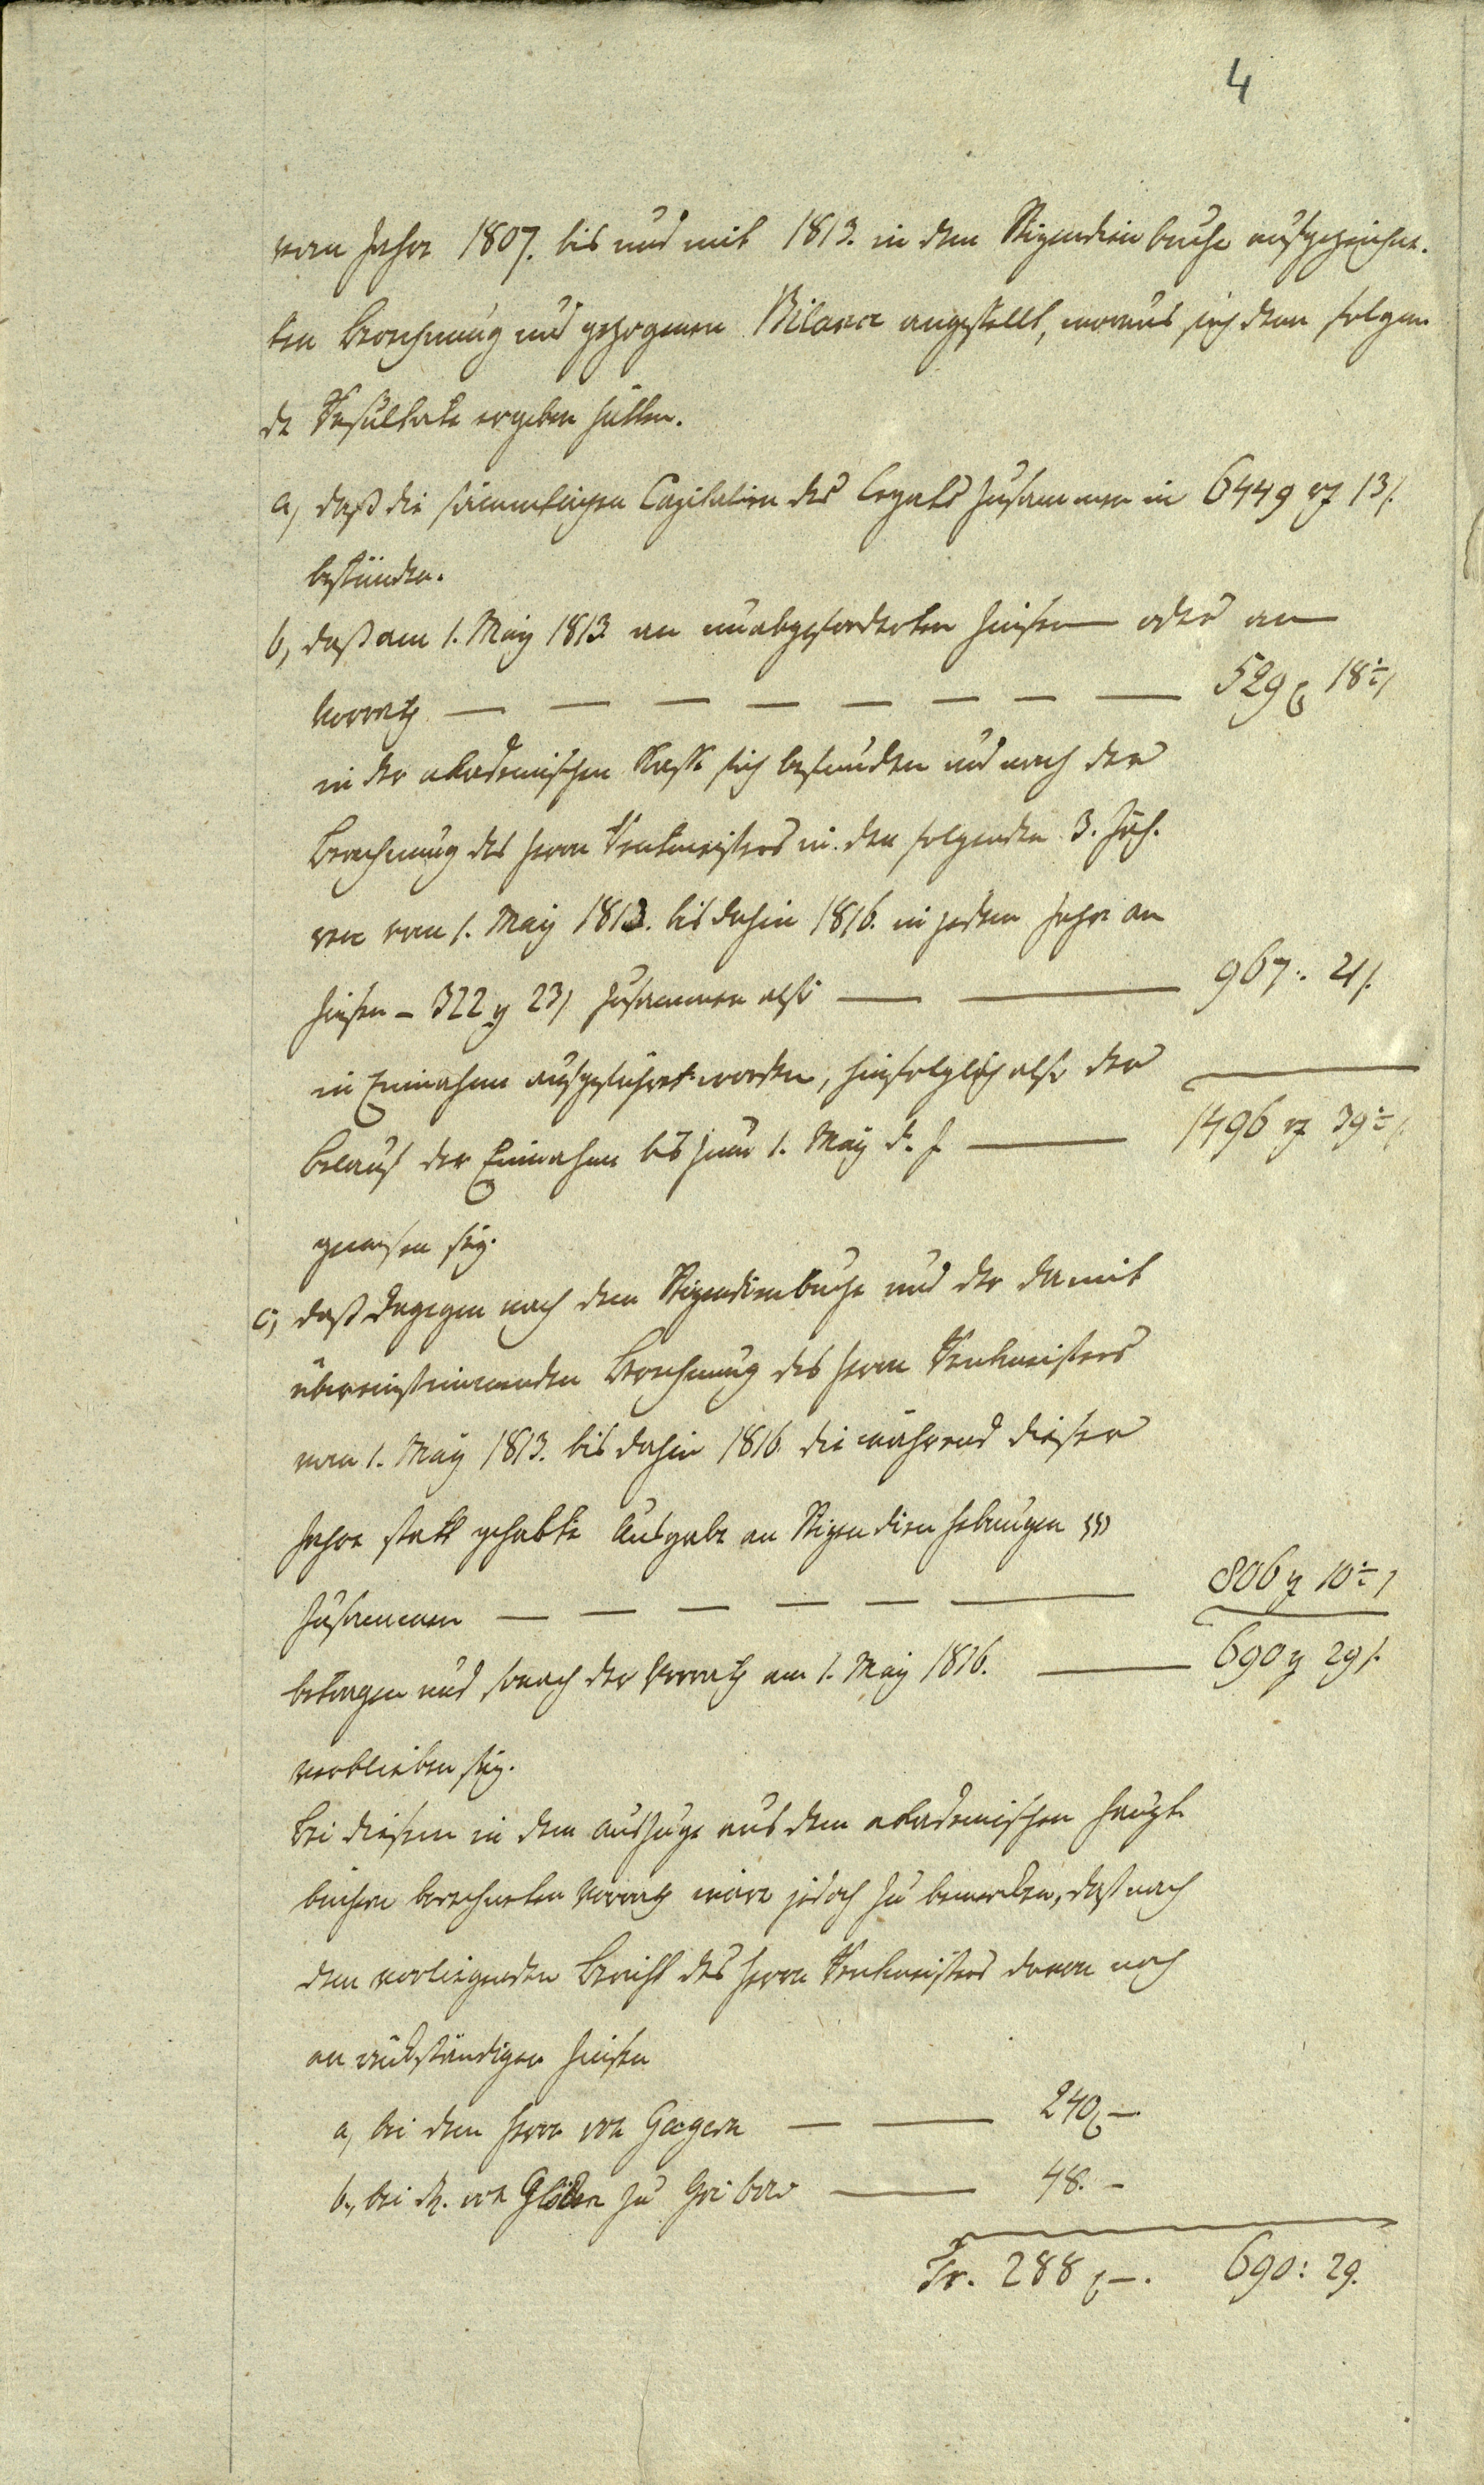vom Jahre 1807. bis und mit 1813. in dem Stipendienbuche aufgezeichne¬
ten Berechnung und gezogenen Bilance angestellt, woraus sich denn folgen¬
de Resultate ergeben hätten.
a, daß die sämmtlichen Capitalien des Legats zusammen in 6449 rt 13 s.
bestünden.
b, daß am 1. Maÿ 1813 an unabgeforderten Zinsen oder an
Vorrath 529 l. 18
in der akademischen Kasse sich befunden und nach der
Berechnung des Herrn Rentmeisters in den folgenden 3. Jah¬
ren vom 1. Maÿ 1813. bis dahin 1816. in jedem Jahre an
Zinsen 322 rt 23s zusammen also 967. 21s.
in Einnahme aufgeführet worden, hinfolglich also der
Belauf der Einnahme bis zum 1. Maÿ d. J. 1496 rt 39.,
gewesen seÿ.
c, daß dagegen nach dem Stipendienbuche und der damit
eübereinstimmenden Berechnung des Herrn Rentmeisters
vom 1. Maÿ 1813. bis dahin 1816. die während dieser
Jahre statt gehabte Ausgabe an Stipendien Hebungen
zusammen 806 rt 10
betragen und sonach der Vorrath an 1. Maÿ 1816. 690 rt 29 s.
verblieben seÿ.
Bei diesem in dem Auszuge aus dem akademischen Haupt¬
büchern berechneten Vorrath wäre jedoch zu bemercken, daß nach
dem vorliegenden Bericht des Herrn Rentmeisters davon noch
an rückständigen Zinsen
a, bei dem Herr von Gagern 240
b., bei dh. von Glöden zu Gribow 48
tr. 288 690: 29.